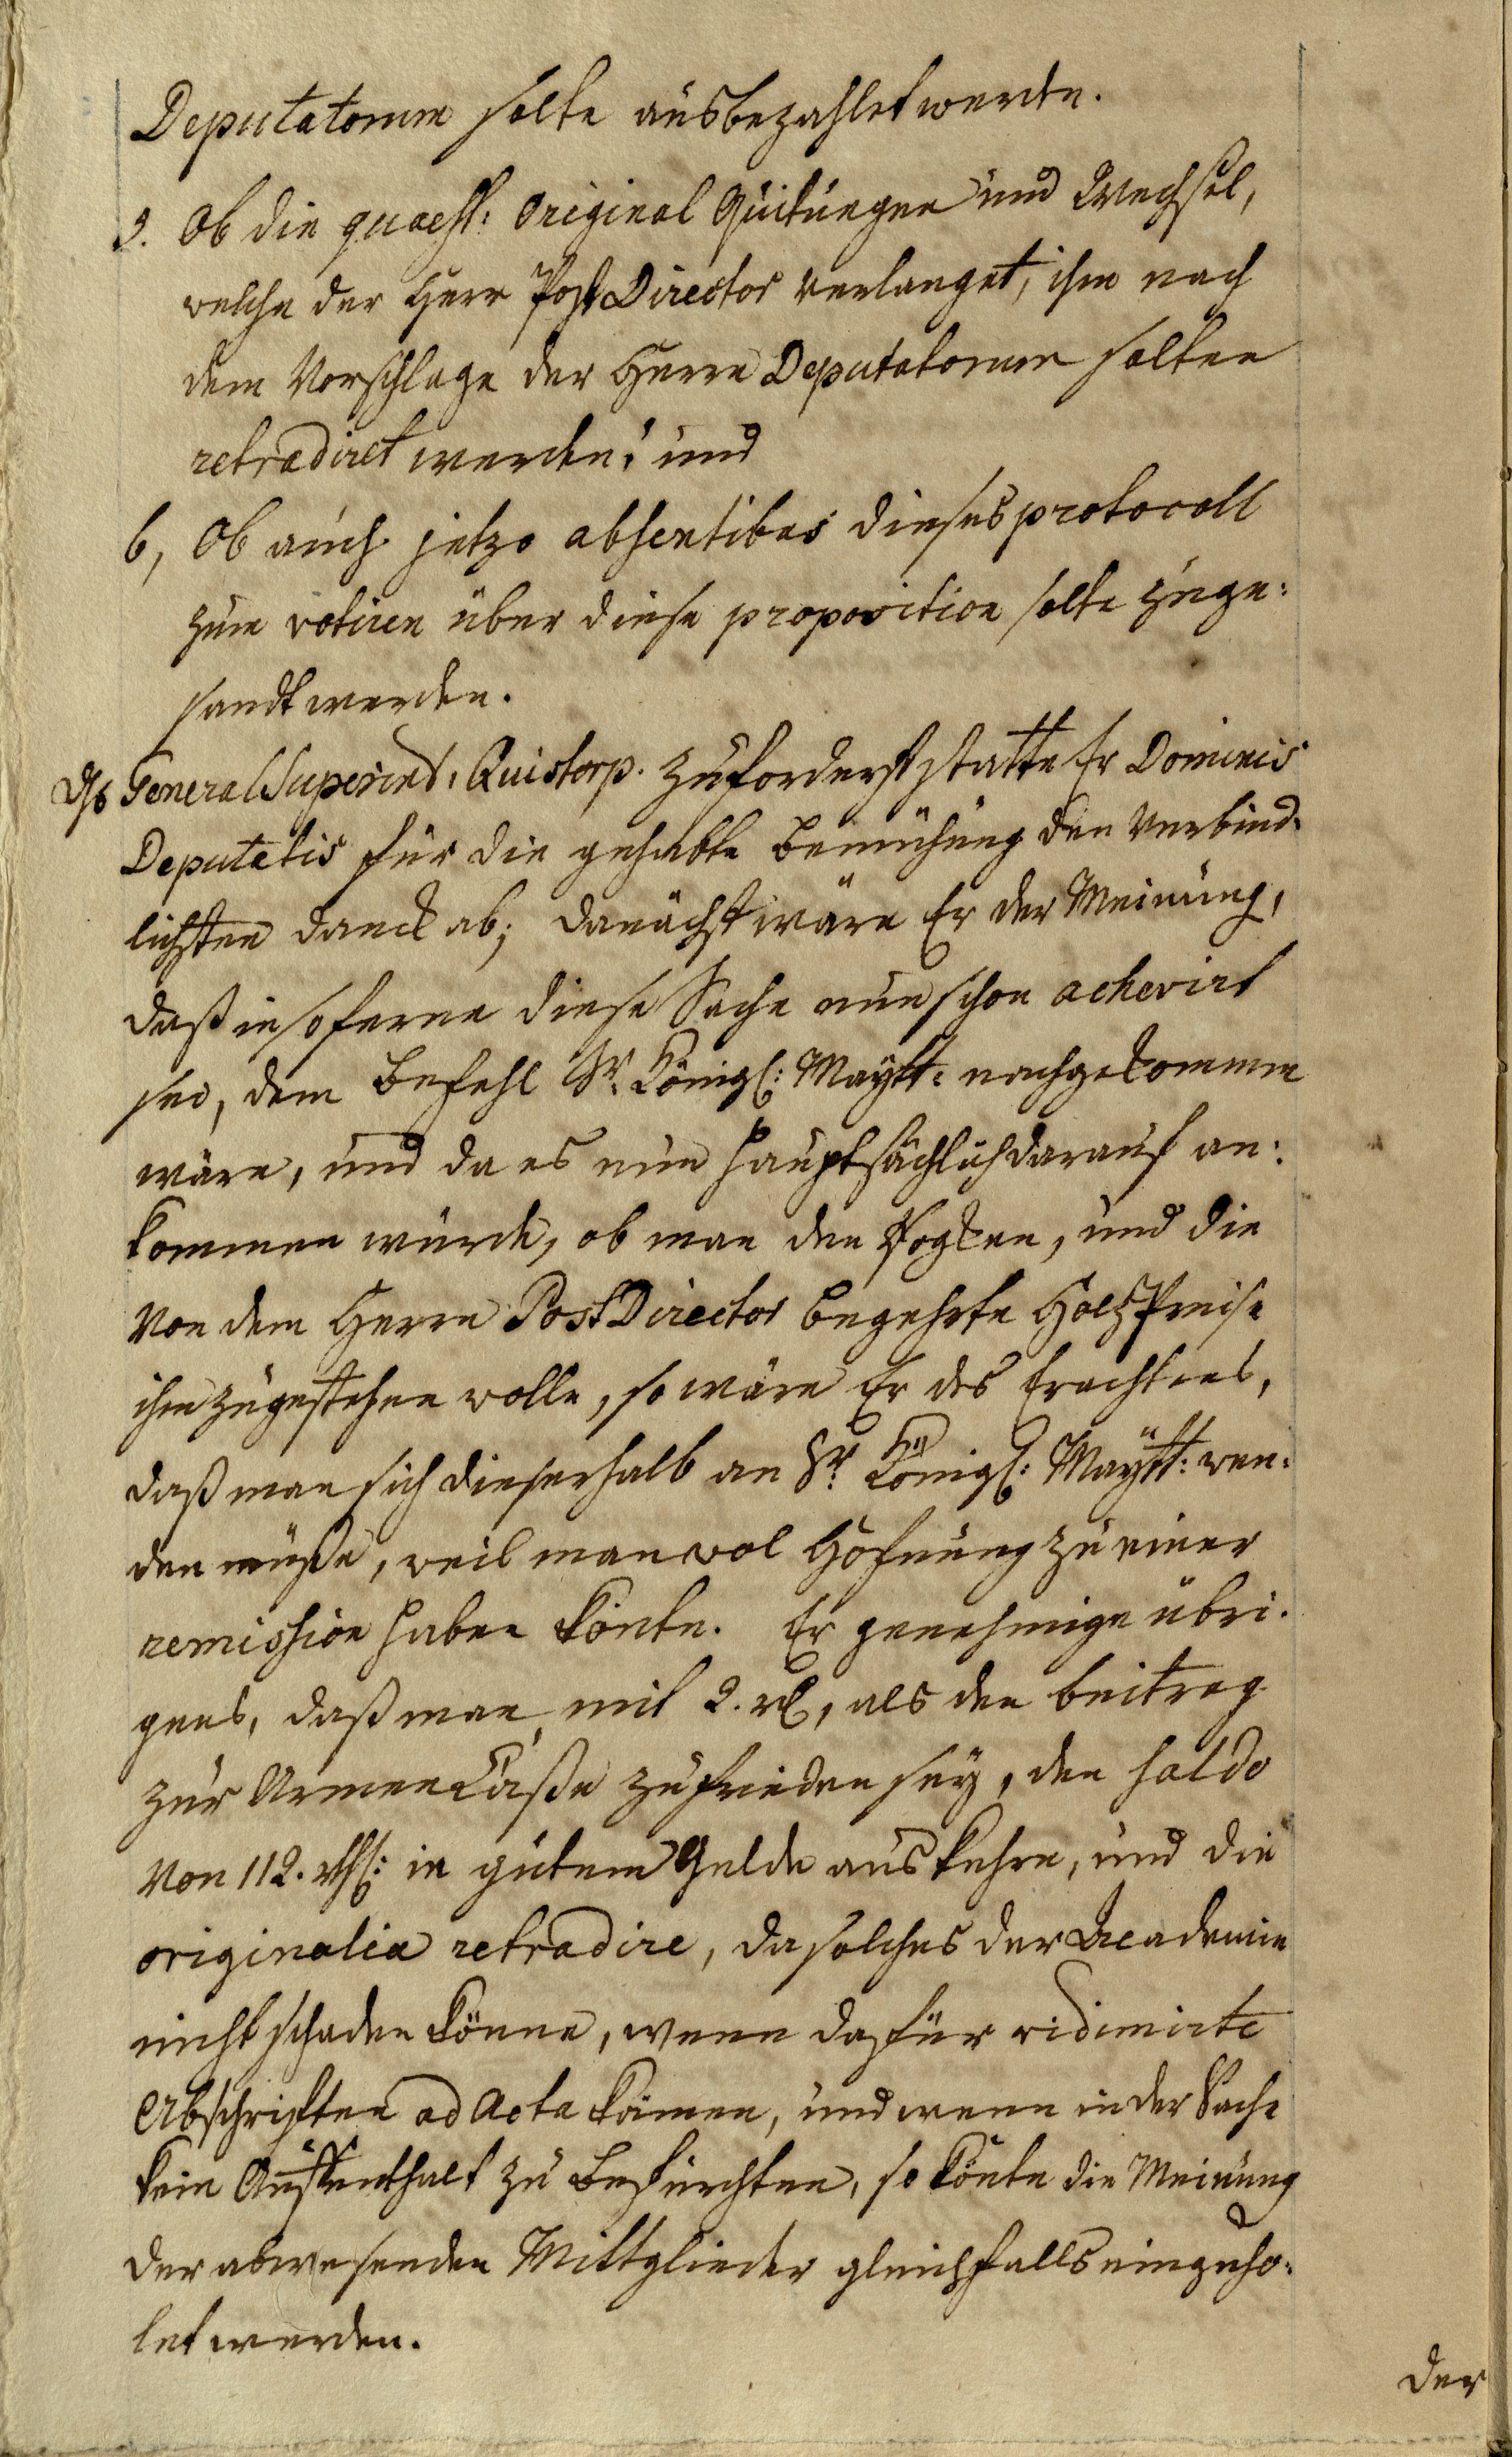Deputatorum solte ausbezahlt werden.
5. ob die quaest. Original Quitungen und Wechsel,
welche der Herr Post Director verlanget, ihm nach
dem Vorschlage der Herrn Deputatorum sollten
retradirt werden? und
6, ob auch jetzo absentibus dieses protocoll
zum votiren über diese proposition solte zuge¬
sandt werden.
dh GeneralSuperint. Quistorp. zuforderst statte Er Dominis
Deputatis für die gehabte Bemühung den verbind¬
lichsten Dank ab; danächst wäre Er der Meinung,
daß in soferne diese Sache nun schon achevirt
sei, dem Befehl Sr. Königl. Maÿtt. nachgekommen
wäre, und da es nun hauptsächlich darauf an¬
kommen würde, ob man den Rogken, und die
von dem Herrn Prof Director begehrte HolzPreise¬
ihm zugestehen wolle, so wäre Er des Erachtens,
daß man sich dieserhalb an Sr. Königl. Maÿtt. wen¬
den müße, weil manwol Hofnung zu einer
remission haben könte. Er genehmige übri¬
gens, daß man mit 2. rl, als den Beitrag
zur ArmenCaße zufrieden seÿ, den saldo
von 112 rth. in gutem Gelde auskehre, und die
originalia retradire, da solches der Academie
nicht schaden könne, wenn dafür vidimirte
Abschriften ad Acta kämen, und wenn in der Sache
kein Aufenthalt zu befürchten, so könte die Meinung
der abwesenden Mittglieder gleichfalls eingeho¬
let werden.
Der